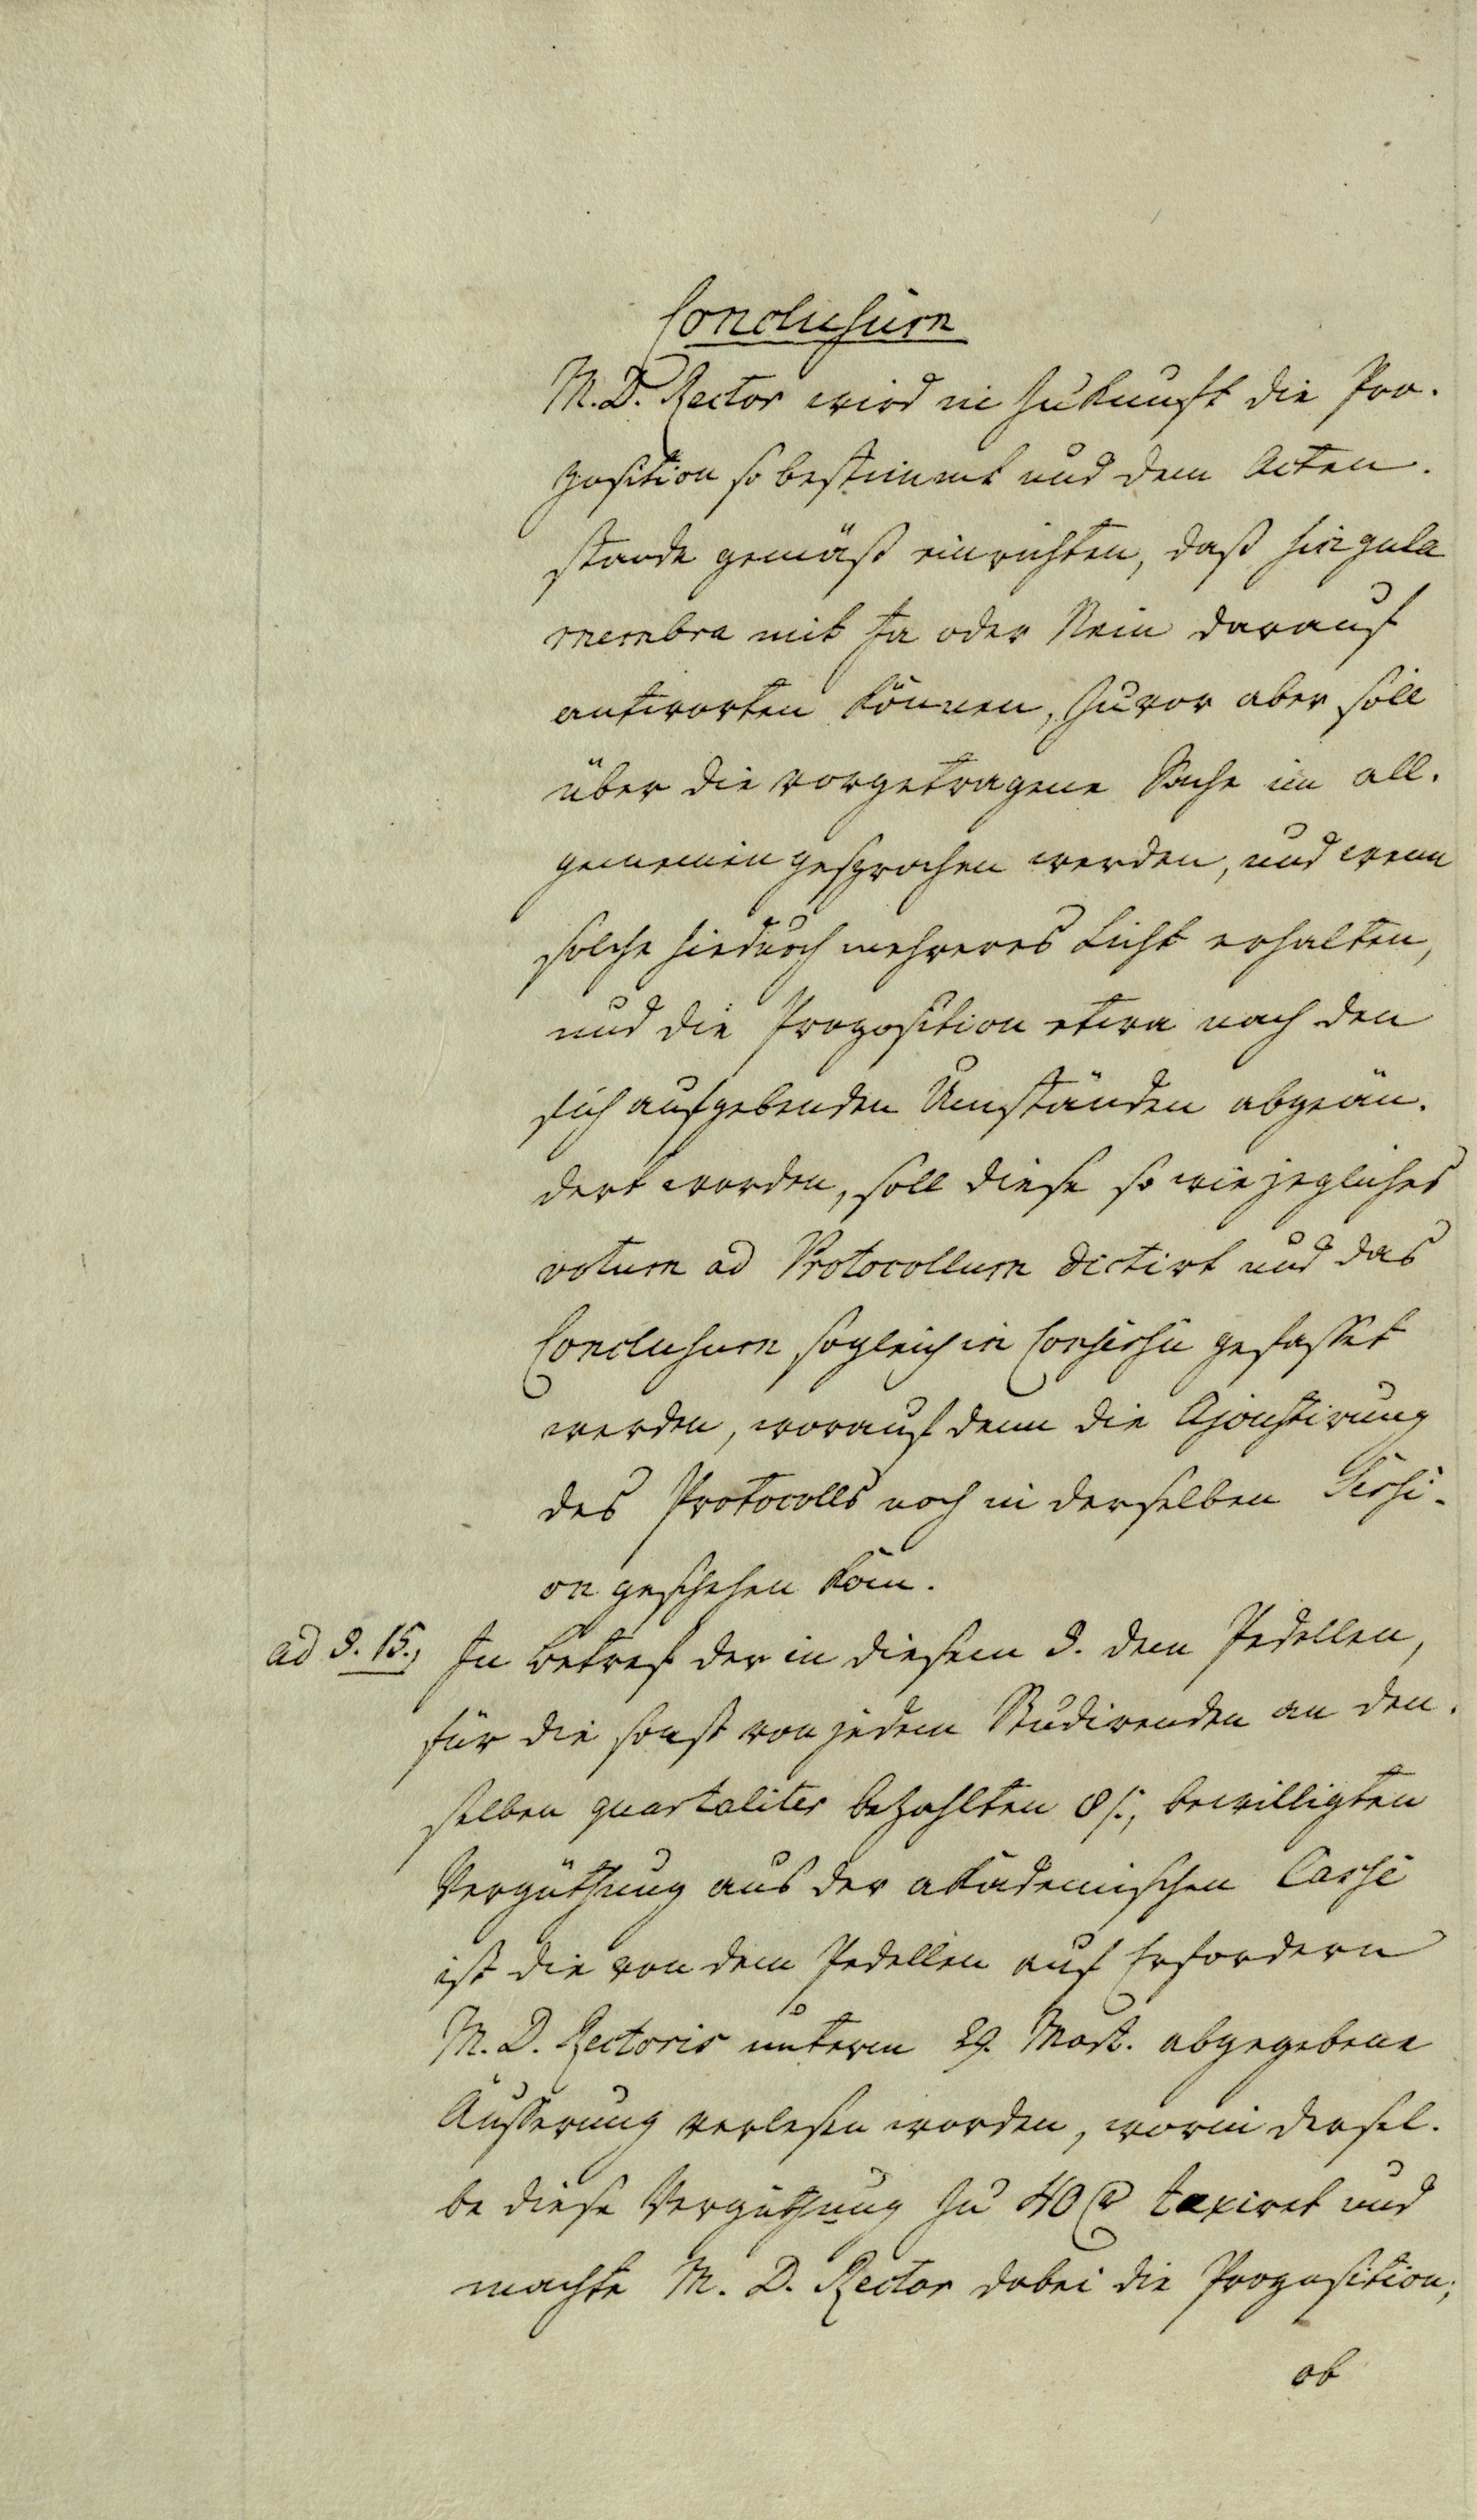Conclusum
M. D. Rector wird in Zukunft die Pro¬
position so bestimmt und dem Acten¬
stande gemäß einrichten, daß singula
membra mit Ja oder Nein darauf
antworten können, zuvor aber soll
über die vorgetragene Sache im all¬
gemeinen gesprochen werden, und wenn
solche hiedurch mehreres Licht erhalten,
und die Proposition etwa nach den
sich aufgebenden Umständen abgeän¬
dert worden, soll diese so wie jegliches
votum ad Protocollum dictirt und das
Conclusum sogleich in Consessu gefasset
werden, worauf denn die Ajoustirung
des Protocolls noch in derselben Sessi¬
on geschehen kan.
ad §. 15., In Betref der in diesem §. dem Pedellen,
für die sonst von jedem Studirenden an den¬
selben quartaliter bezahlten 8 s. bewilligten
Vergüthung aus der akademischen Casse
ist die von dem Pedellen auf Erfordern
M. D. Rectoris unterm 29 Mart. abgegebene
Äusserung verlesen worden, worin dersel¬
be diese Vergüthung zu 40 l. taxiret und
machte M. D. Rector dabei die Proposition,
ob